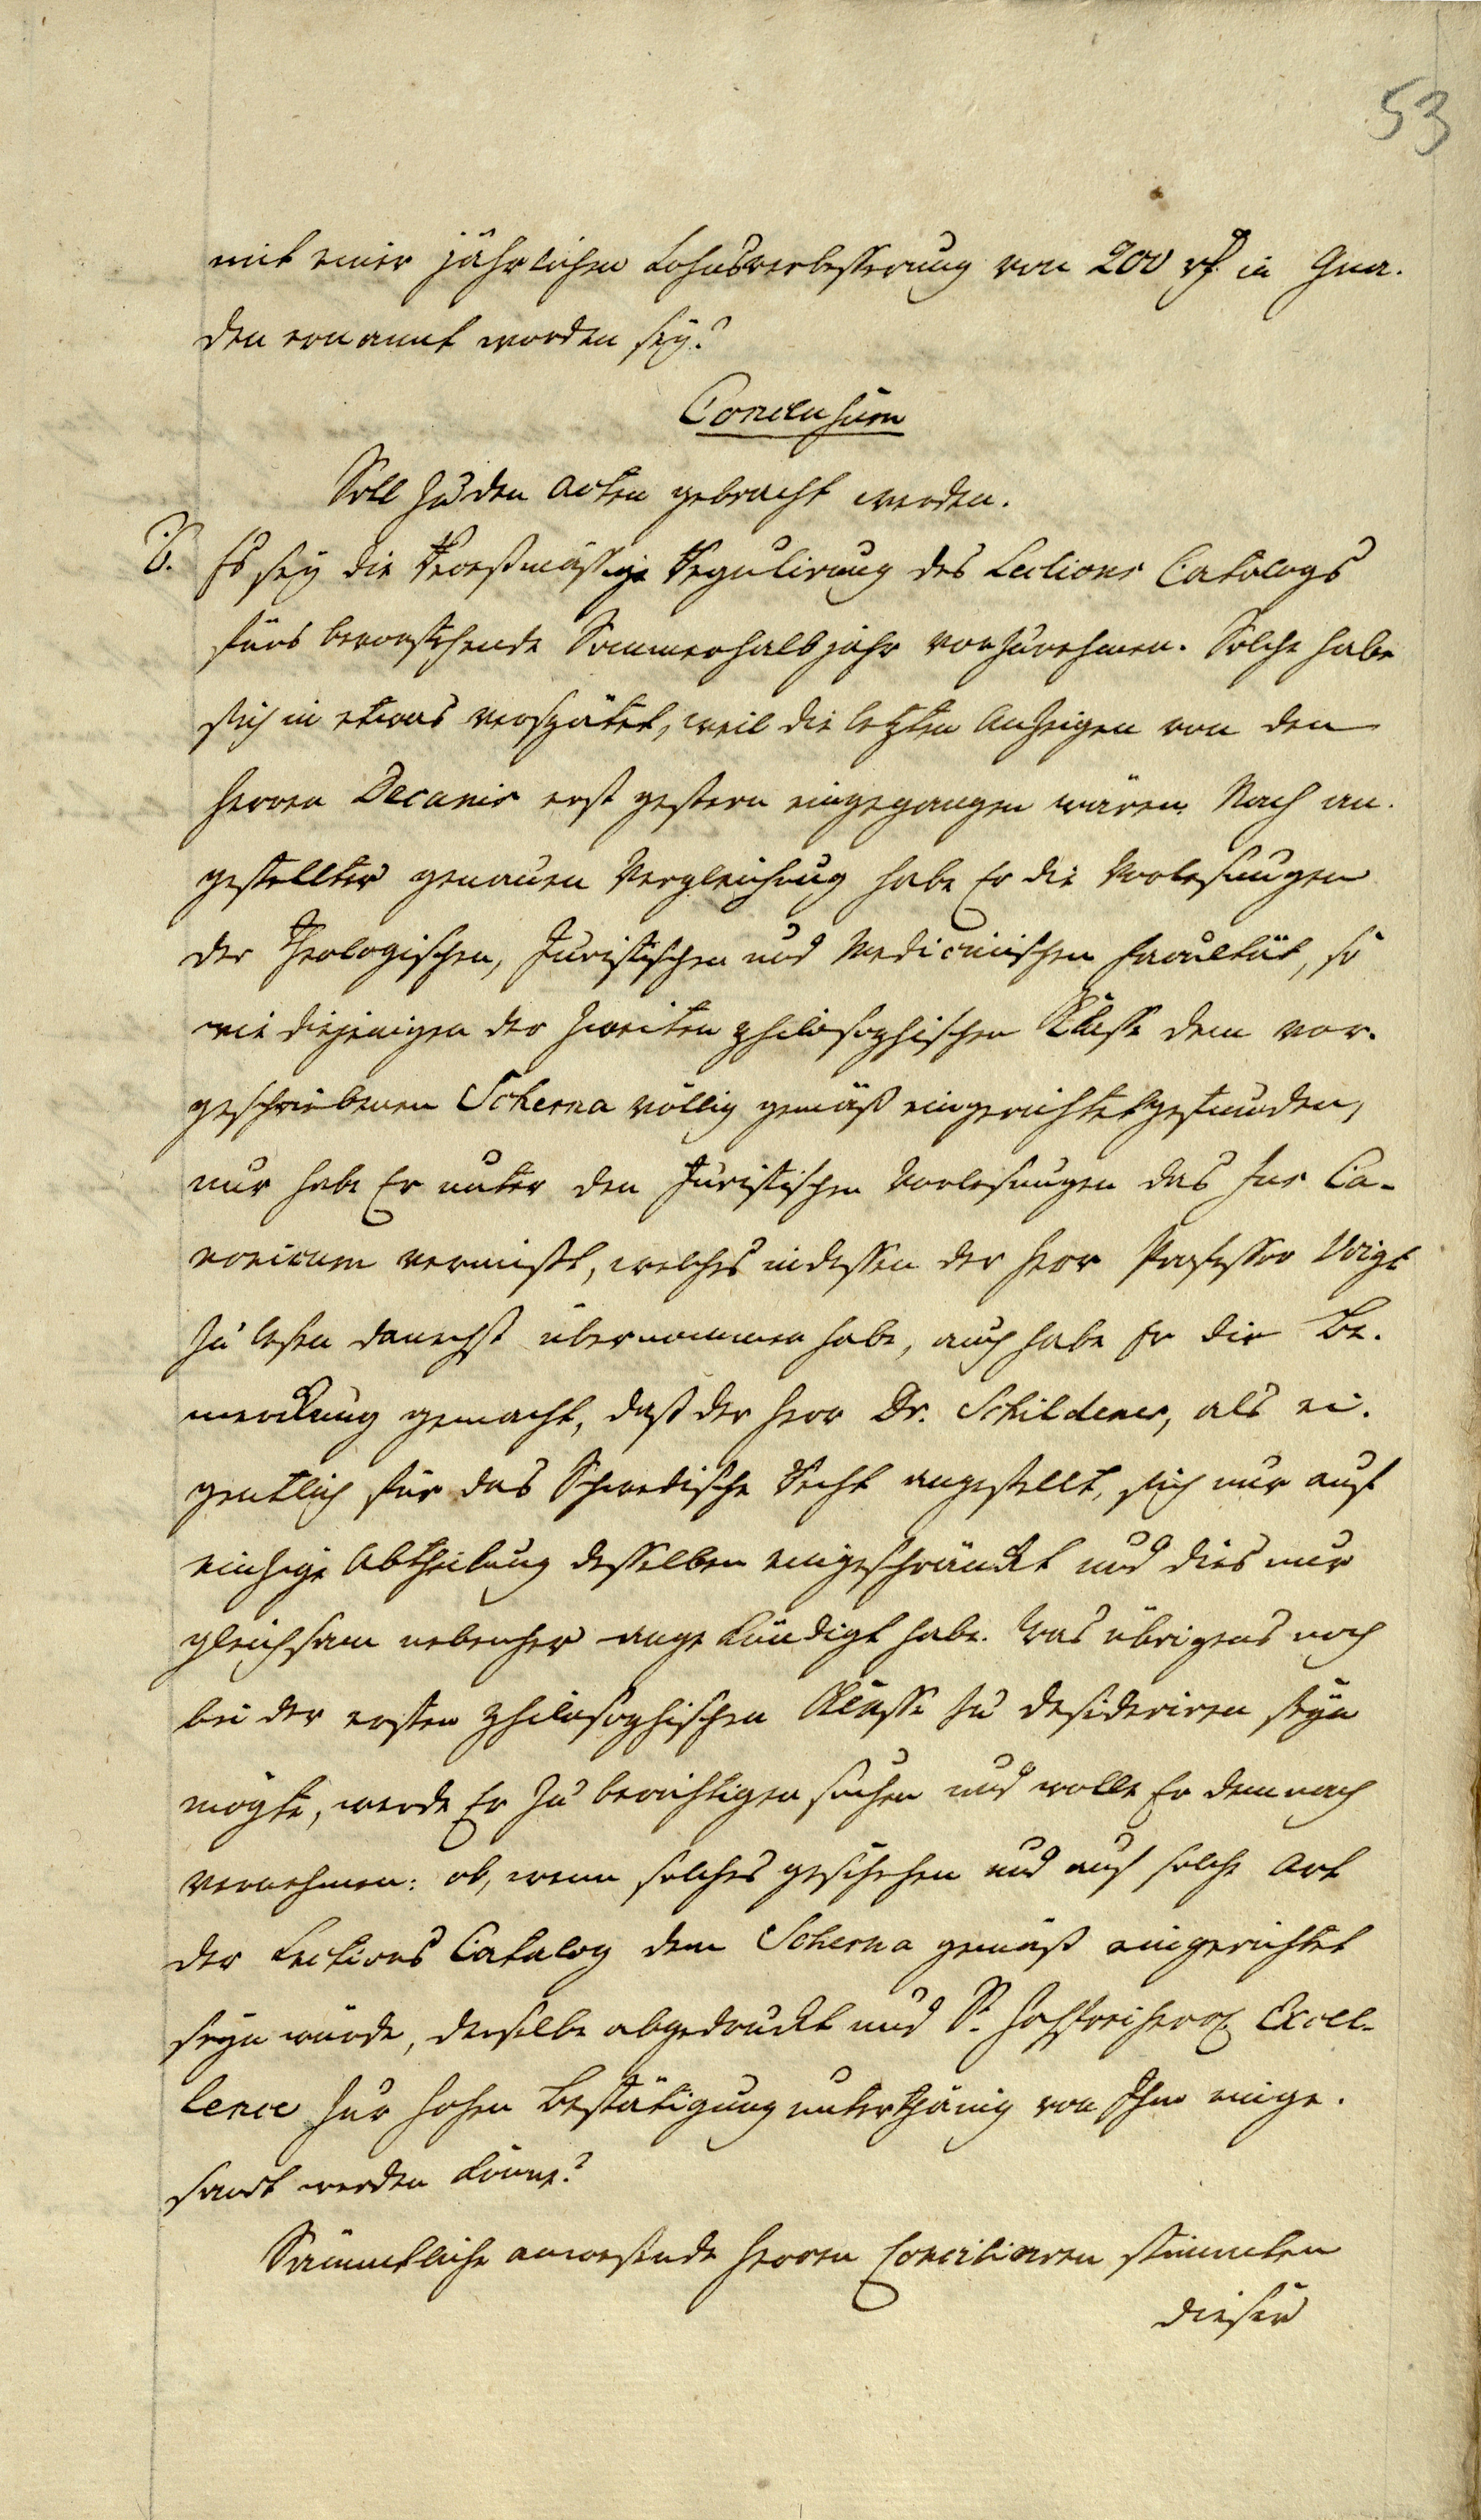mit einer jährlichen Lohnsverbesserung von 200 rt. in Gna¬
den ernannt worden seÿ?
Conclusum
Soll zu den Acten gebracht werden.
6. Es seÿ die Receßmässige Regulirung des Lections Catalogs
fürs bevorstehende Sommerhalbjahr vorzunehmen. Solche habe
sich in etwas verspätet, weil die letzten Anzeigen von den
Herren Decanis erst gestern eingegangen wären. Nach an¬
gestellter genauen Vergleichung habe Er die Vorlesungen
der Theologischen, Juristischen und Medicinischen Facultät, so
wie diejenigen der zweiten philosophischen Klasse dem vor¬
geschriebenen Schema völlig gemäß eingerichtetgefunden,
nur habe Er unter den Juristischen Vorlesungen das Jus Ca¬
nonicum vermißt, welches indessen der Herr Professor Voigt
zu lesen danechst übernommen habe, auch habe Er die Be¬
merckung gemacht, daß der Herr Dr. Schildener, als ei¬
gentlich für das Schwedische Recht angestellt, sich nur auf
einzige Abtheilung desselben eingeschränckt und dies nur
gleichsam nebenher angekündiget habe. Was übrigens noch
bei der ersten philosophischen Klasse zu desideriren seÿn
mögte, werde Er zu berichtigen suchen und wolle Er demnach
vernehmen: ob, wenn solches geschehen und auf solche Art
der Lections Catalog dem Schema gemäß eingerichtet
seÿn würde, derselbe abgedruckt und Sr. Hochfreiherrl. Excel¬
lence zur hohen Bestätigung unterthänig von Ihm einige¬
sandt werden könne?
Sämmtliche anwesende Herren Conciliaren stimmten
dieser